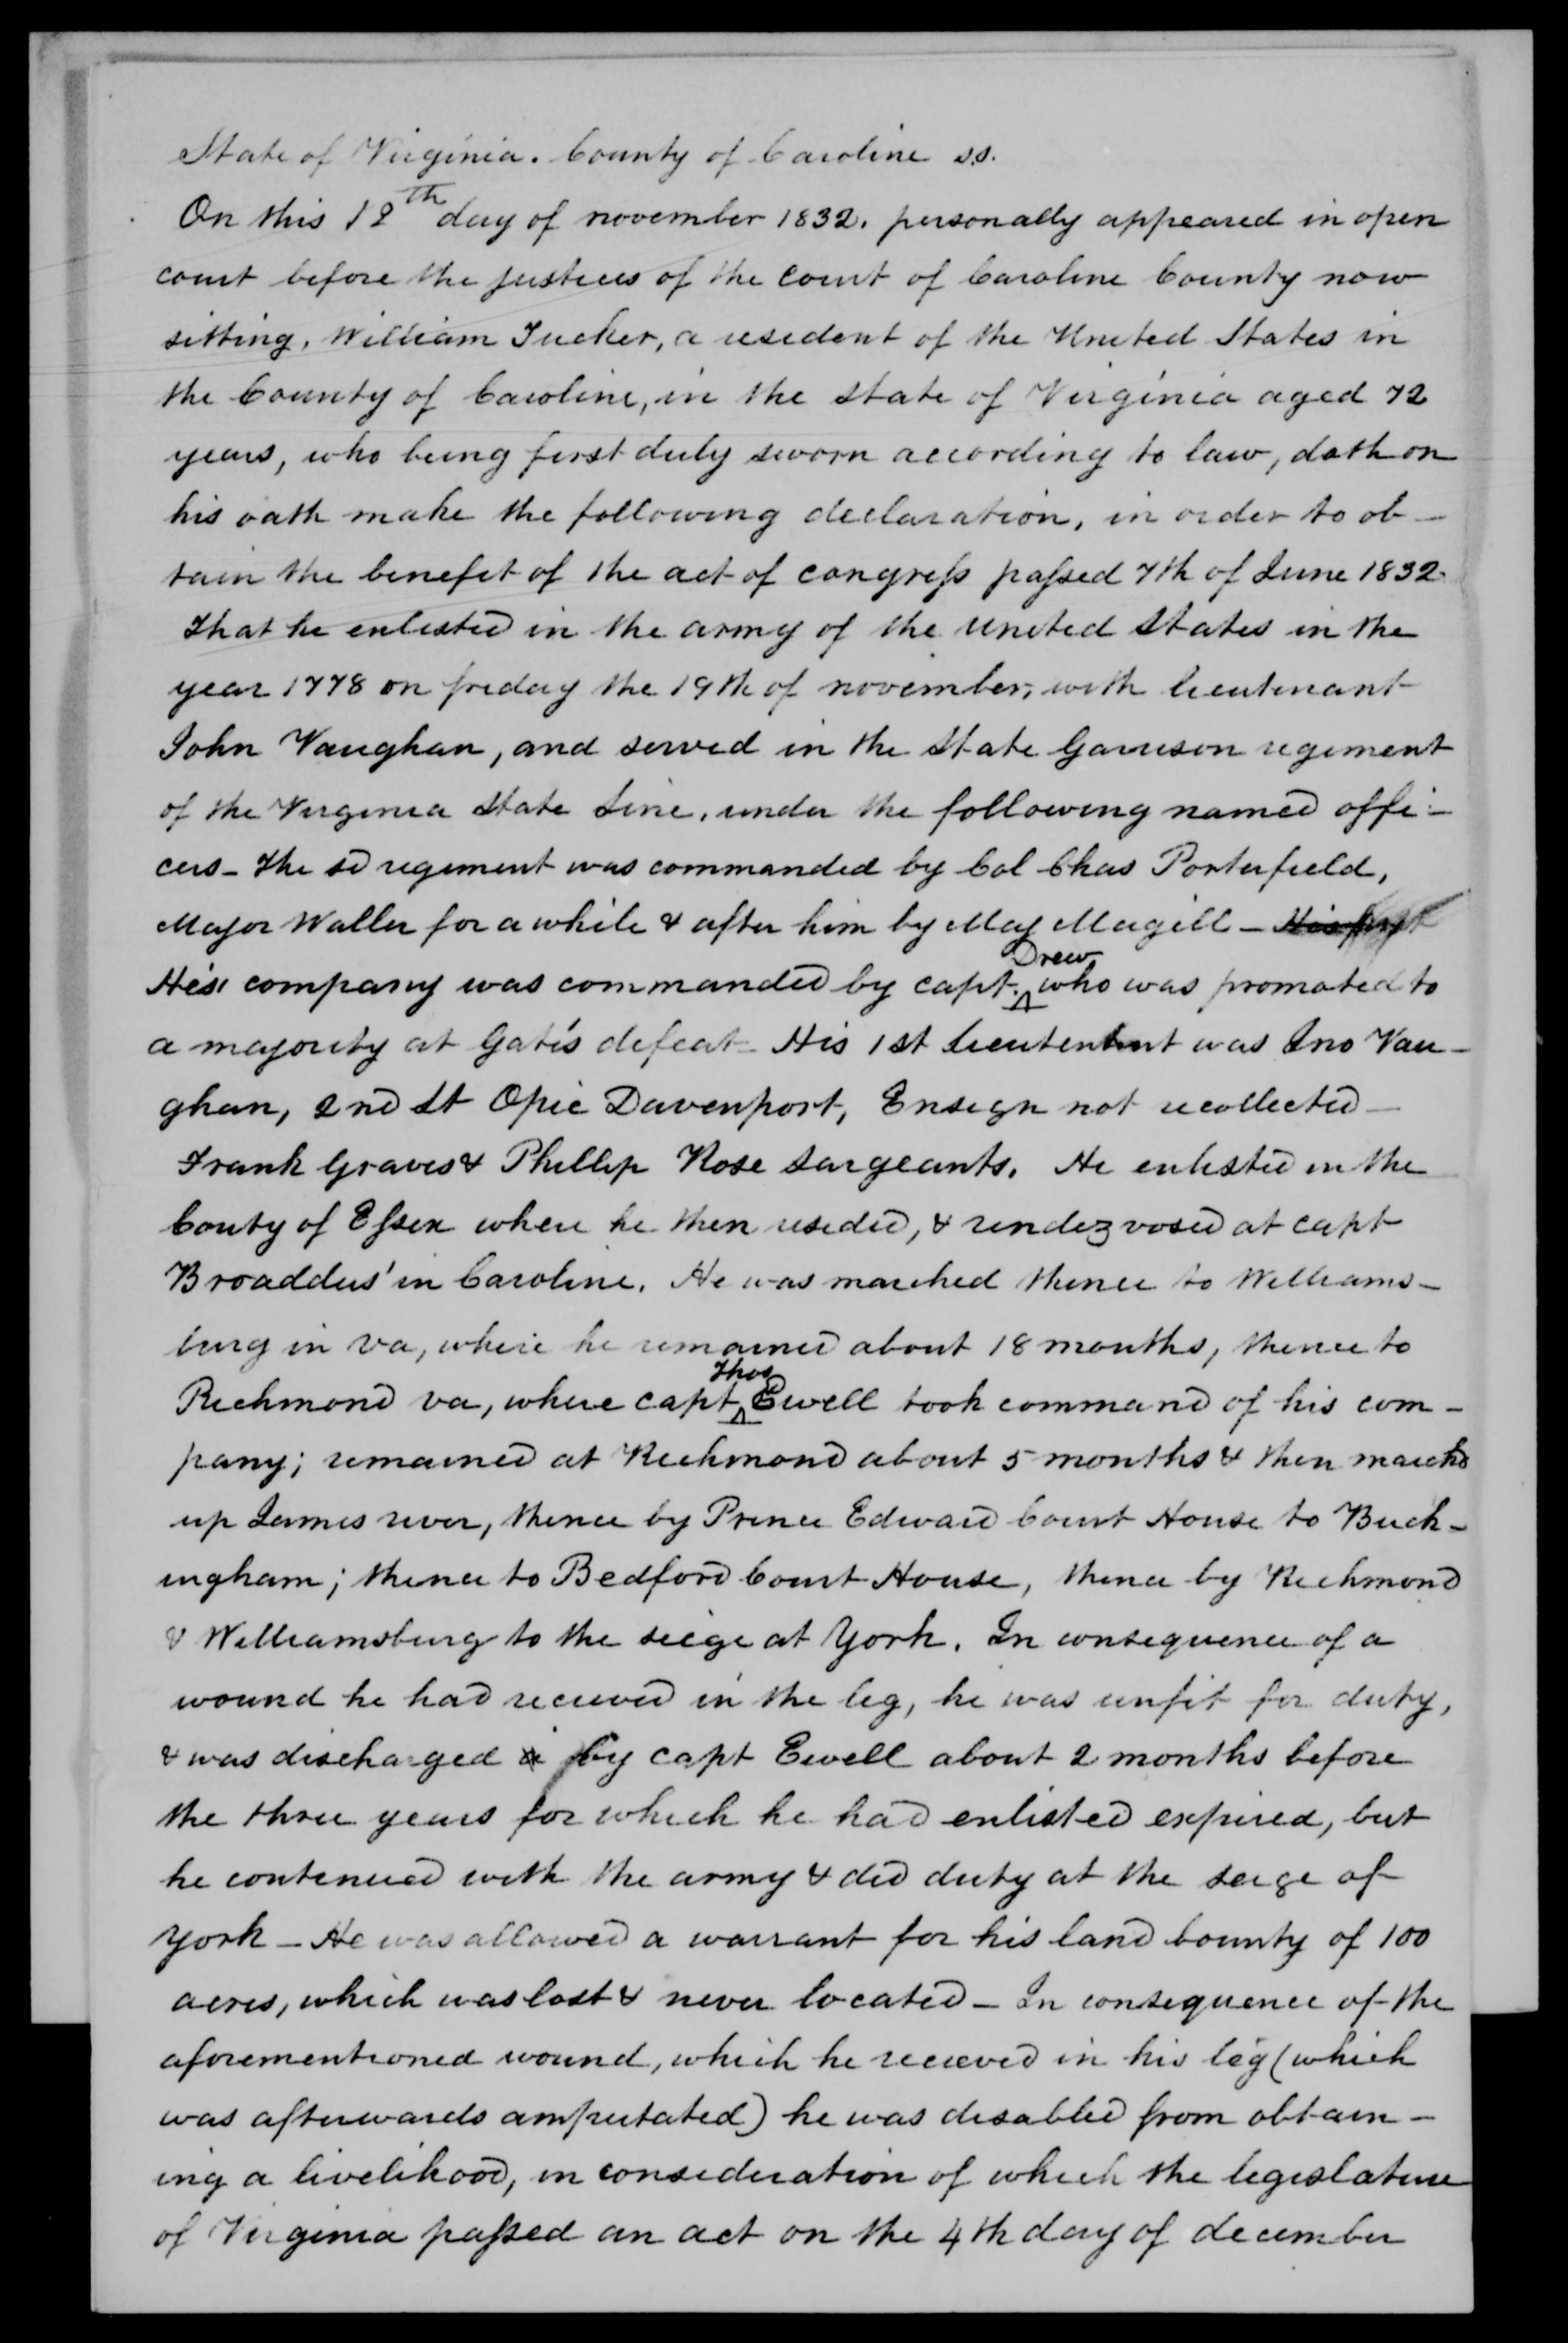State of Virginia. County of Caroline ss
On the 19th day of November 1832. personally appeared in open court before the justices of the court of Caroline County now sitting, William Tucker, a resident of the United State is the County of Caroline, in the state of Virginia aged 72 years, who being first duly sworn according to law, doth on his oath make the following declaration, in order to obtain the benefit of the act of congress passed 7th of June 1832. That he enlisted in the army of the United States in the year 1778 on Friday the 19th of November with Lieutenant John Vaughan, and served in the State Garrison regiment of the Virginia State Line, under the following named officers. The D regiment was commanded by Col Chas Porterfield, Major Waller for a while and after him by May Magill-[illegible]. His company was commanded by Capt. Drew who was promoted to a majority at Gabe's defeat. His 1st Lieutenant was Jno Vaughan, 2nd Lt Opie Davenport, Ensign not recollected. Frank Graves and Phillip Rose Sargeants. He enlisted in the county of Essen where he then resided and rendezvosed at Capt Broaddus' in Caroline. He was marched thence to Williamsburg in Va, where he remained about 18 months, thence to Richmond VA, where Capt. Thos Ewell took command of his company; remained at Richmond about 5 month and then marched up James River, thence by Prince Edward Court House to Buckingham; thence to Bedford Court House, thence by Richmond and Williamsburg to the siege at York. In consequence of a wound he had received in the leg, he was unfit for duty, and was discharged by Capt. Ewell about 2 months before the three years for which he had enlisted expired, but he continued with the army and did duty at the seige of York. He was allowed a warrant for his land bounty of 100 acres, which was lost & never located. In consequence of the aforementioned wound, which he received in his leg (which was afterwards amputated) he was disabled from obtaining a livelihood, in consideration of which the legislature of Virginia passed an act on the 4th day of december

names: William Tucker, Jno Vaughan, Frank Graves, Thos Ewell, Broaddus, John Vaughan, Ewell, Waller, Drew, Chas Porterfield, Phillip Rose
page: 5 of 13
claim: survivor's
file: S. 7764, William Tucker, Va.